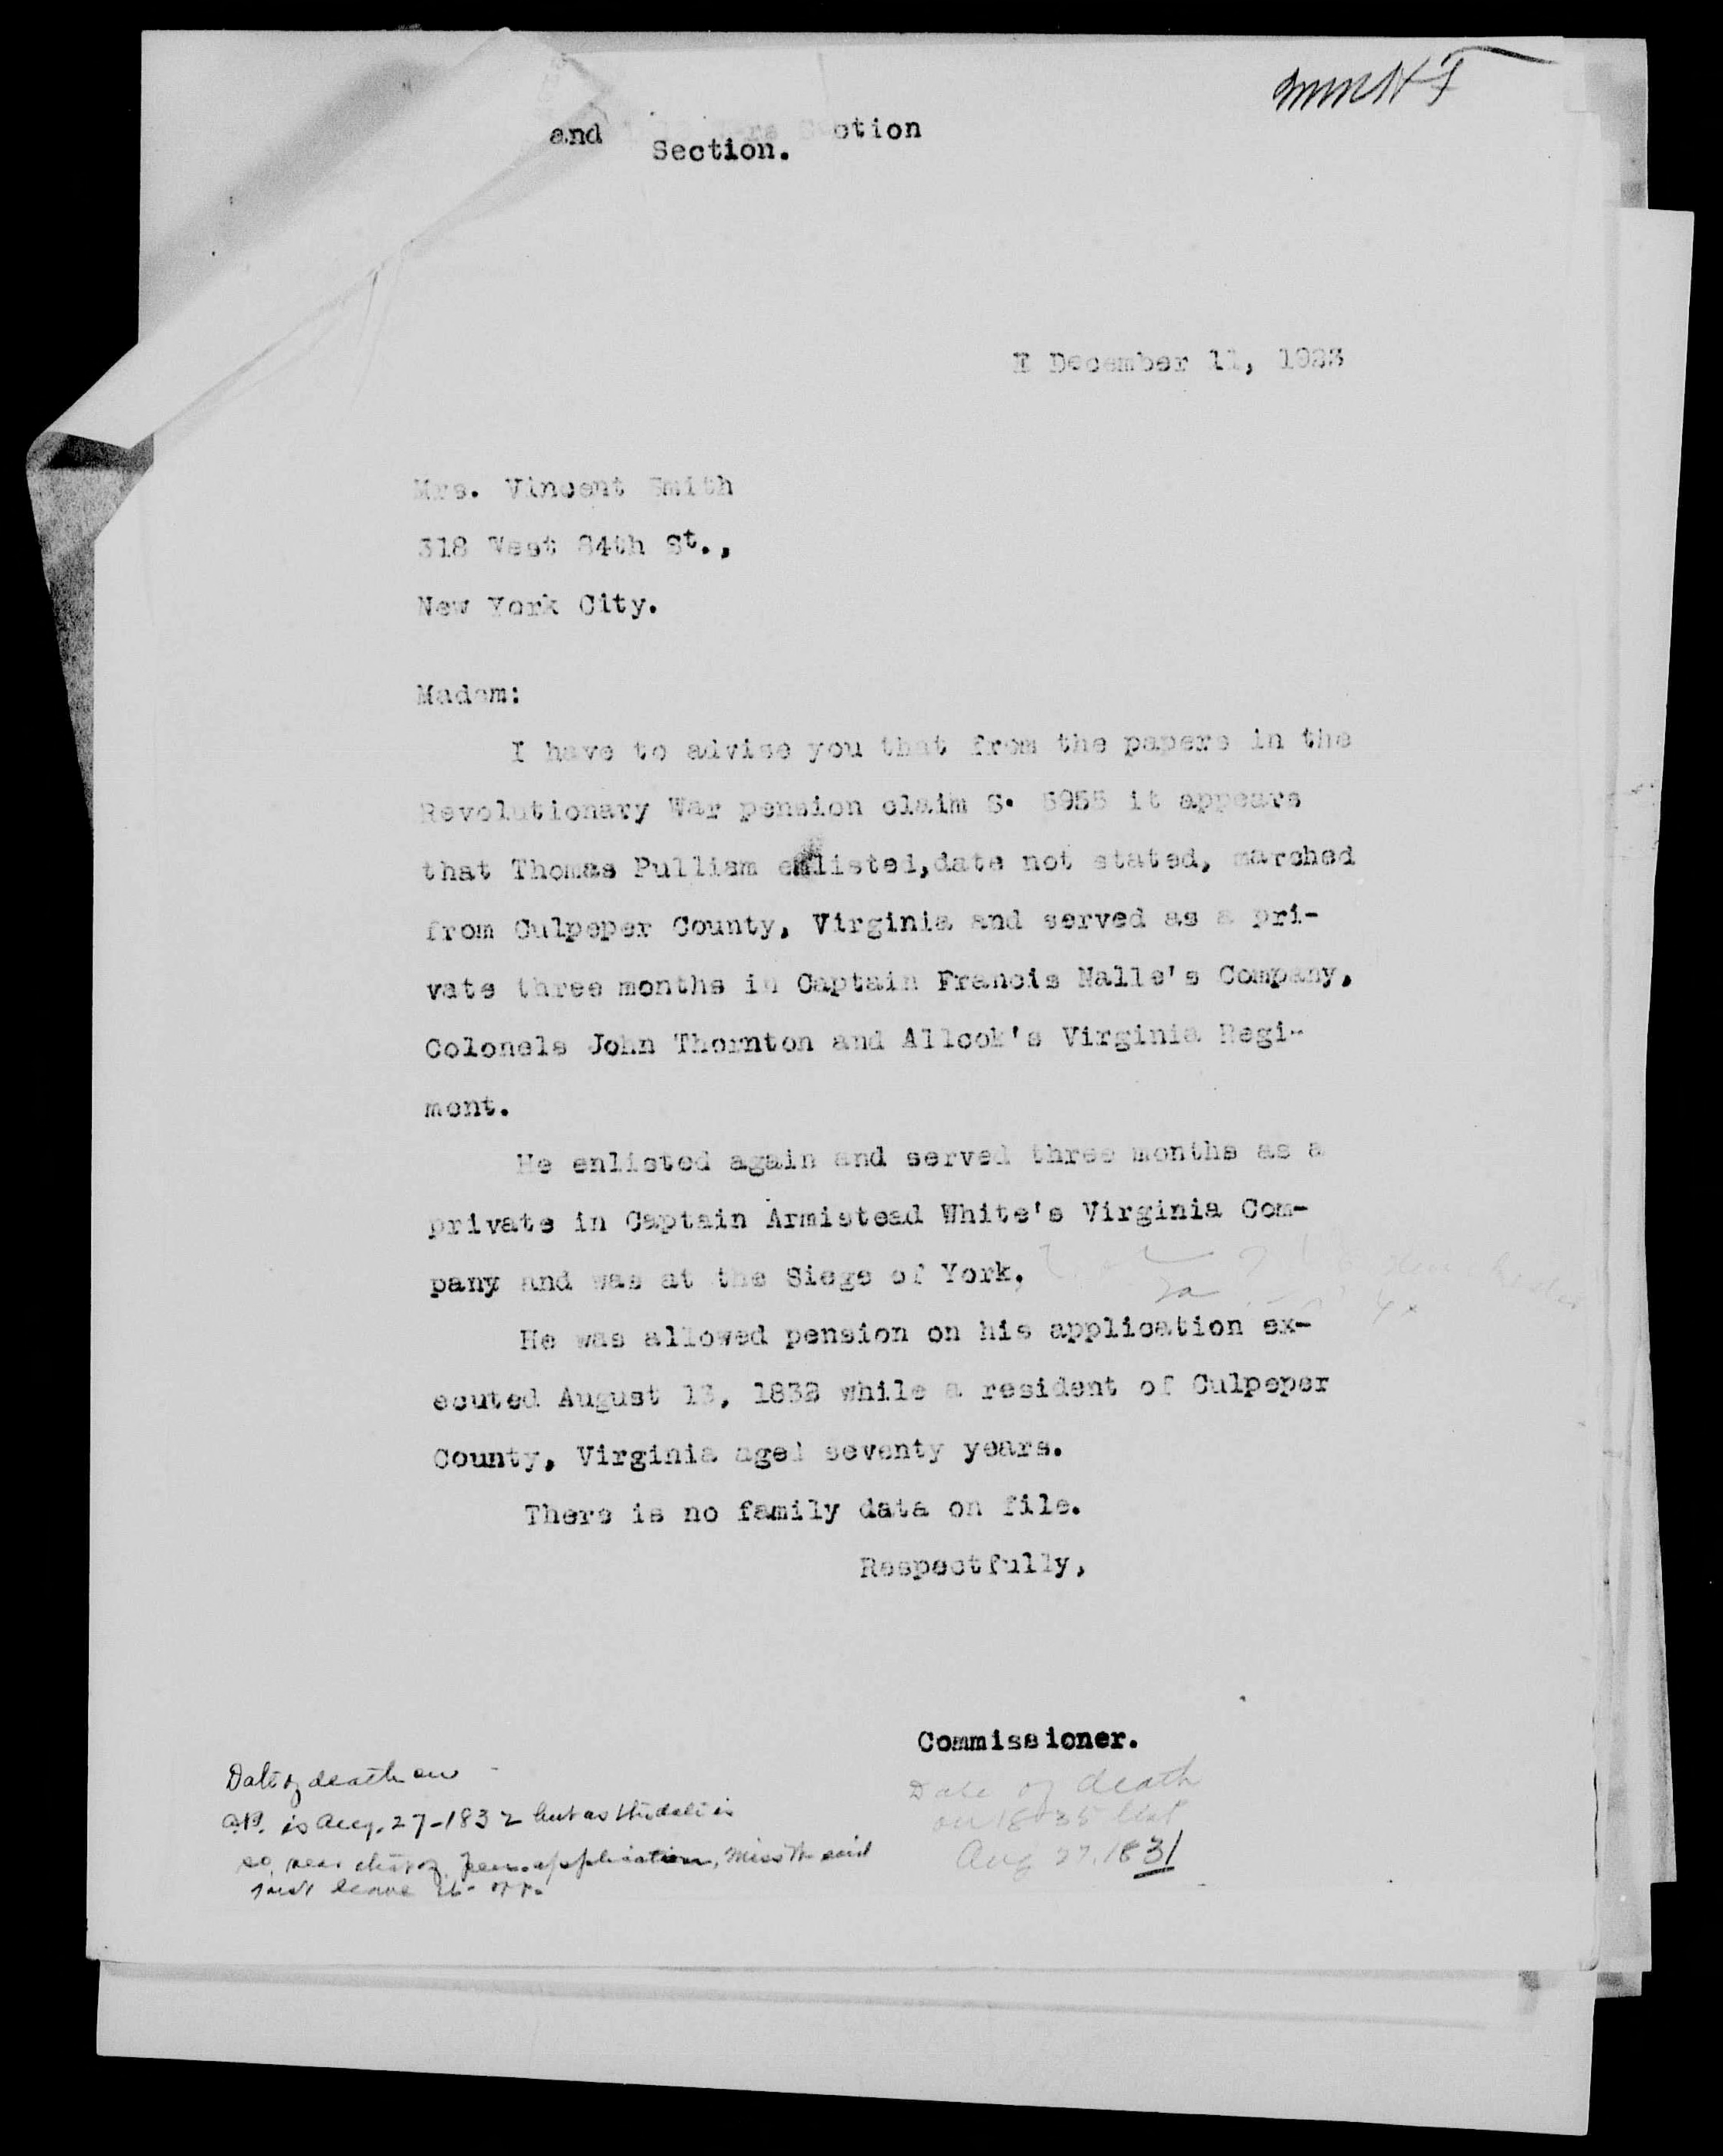[Page folded and text missing] and Section

MMHF

2 December 11, 1923

Mrs. Vincent Smith
318 West 34th St.,
New York City.

Madam:

I have to advise you that from the papers in the 
Revolutionary War pension claim, S. 5955, it appears 
that Thomas Pulliam enlisted, date not stated, marched 
from CulpeperCounty, Virginia and served as a 
private three months in Captain Francis Nalle's Company, 
Colonels John Thornton and Allcok's Virginia Regiment.
He enlisted again and served three months as a
private in Captain Armistead White's Virginia Company 
and was at the Siege of York,
He was allowed pension on his application executed
August 13, 1832 while a resident of Culpeper 
County, Virginia, aged seventy years.
There are no family data.

Respectfully,

Commissioner.

[Handwritten:] Date of death
on 1835  [illegible]
Aug 27, 1831

[Handwritten in left margin:] 
Date of death on
A.B. is Aug. 27 _ 1832 but as the date is
so  near claim of pension application, Miss W said
just leave it- Orr.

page: 15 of 27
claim: survivor's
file: S. 5,955, for Thomas Pulliam, Virginia